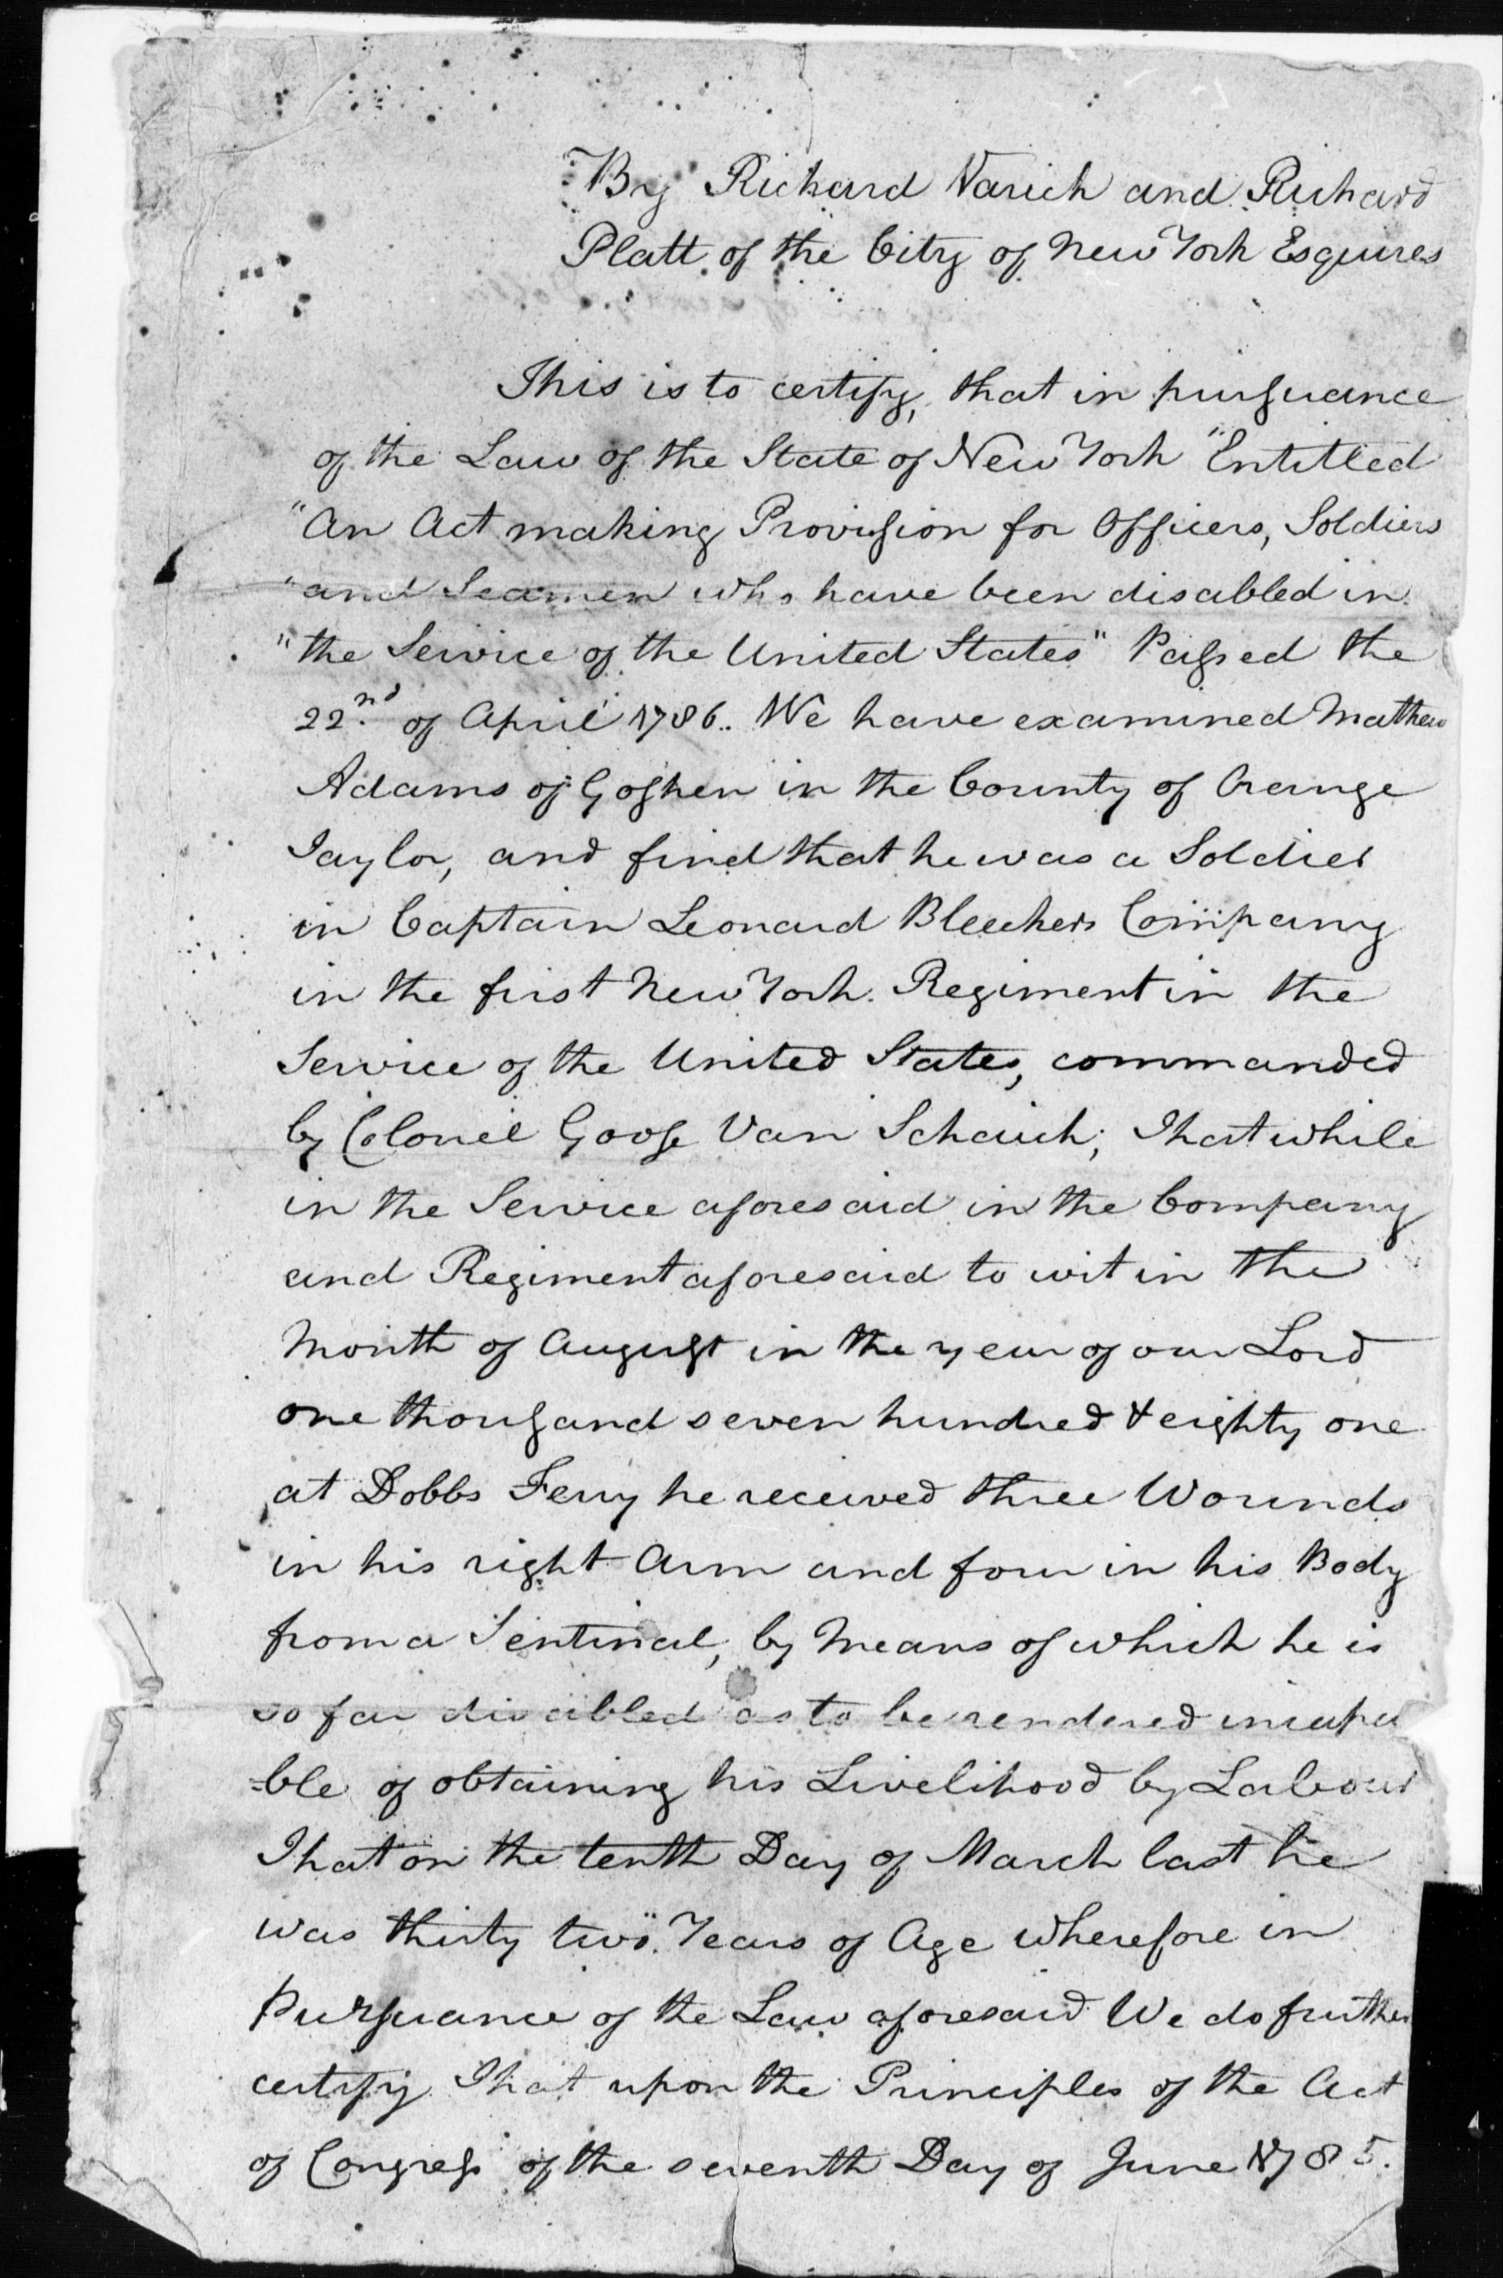By Richard Harich and Richard Platt of the city of New York Esquires


This is to certify that in pursuance  of the law of the State of New York Entitled "An Act making Provision  for Officers, Soldiers, and Seaman who have been disabled in the Service of the United States"  Pased the 22nd of April 1786. We have examined Mathew Adams for Goshen in the county of Orange Taylor and find that  he was a soldier in Captain Leonard Bleecker Company in the first New York Regiment in the Service of the Unite States, commanded by Colonel Goose  Van Scherich, that while in the service aforesaid in the company and Regiment  aforesaid to wit in the month of  august in the year of our lord  one thousand seven hundred and eight one at Dobbs Ferry he received three Wounds in his right arm and four in his Body from Sentinel, by Means of which he is Go Far disabled as to be rendered disable of obtaining his Livelihood by Labour, That on tenth Day of March  last he was thirty two year of age wherefore in pursuance of the Law aforesaid we do further certify that  upon the Principles of the Act of Congress of the seventh day of June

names: Richard Platt, Mathew Adams, Richard Varick, Dobbs Ferry, Leonard Bleecher, Goose Van Schaick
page: 3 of 13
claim: survivor's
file: S. 28,212, Mathew Adams, New York